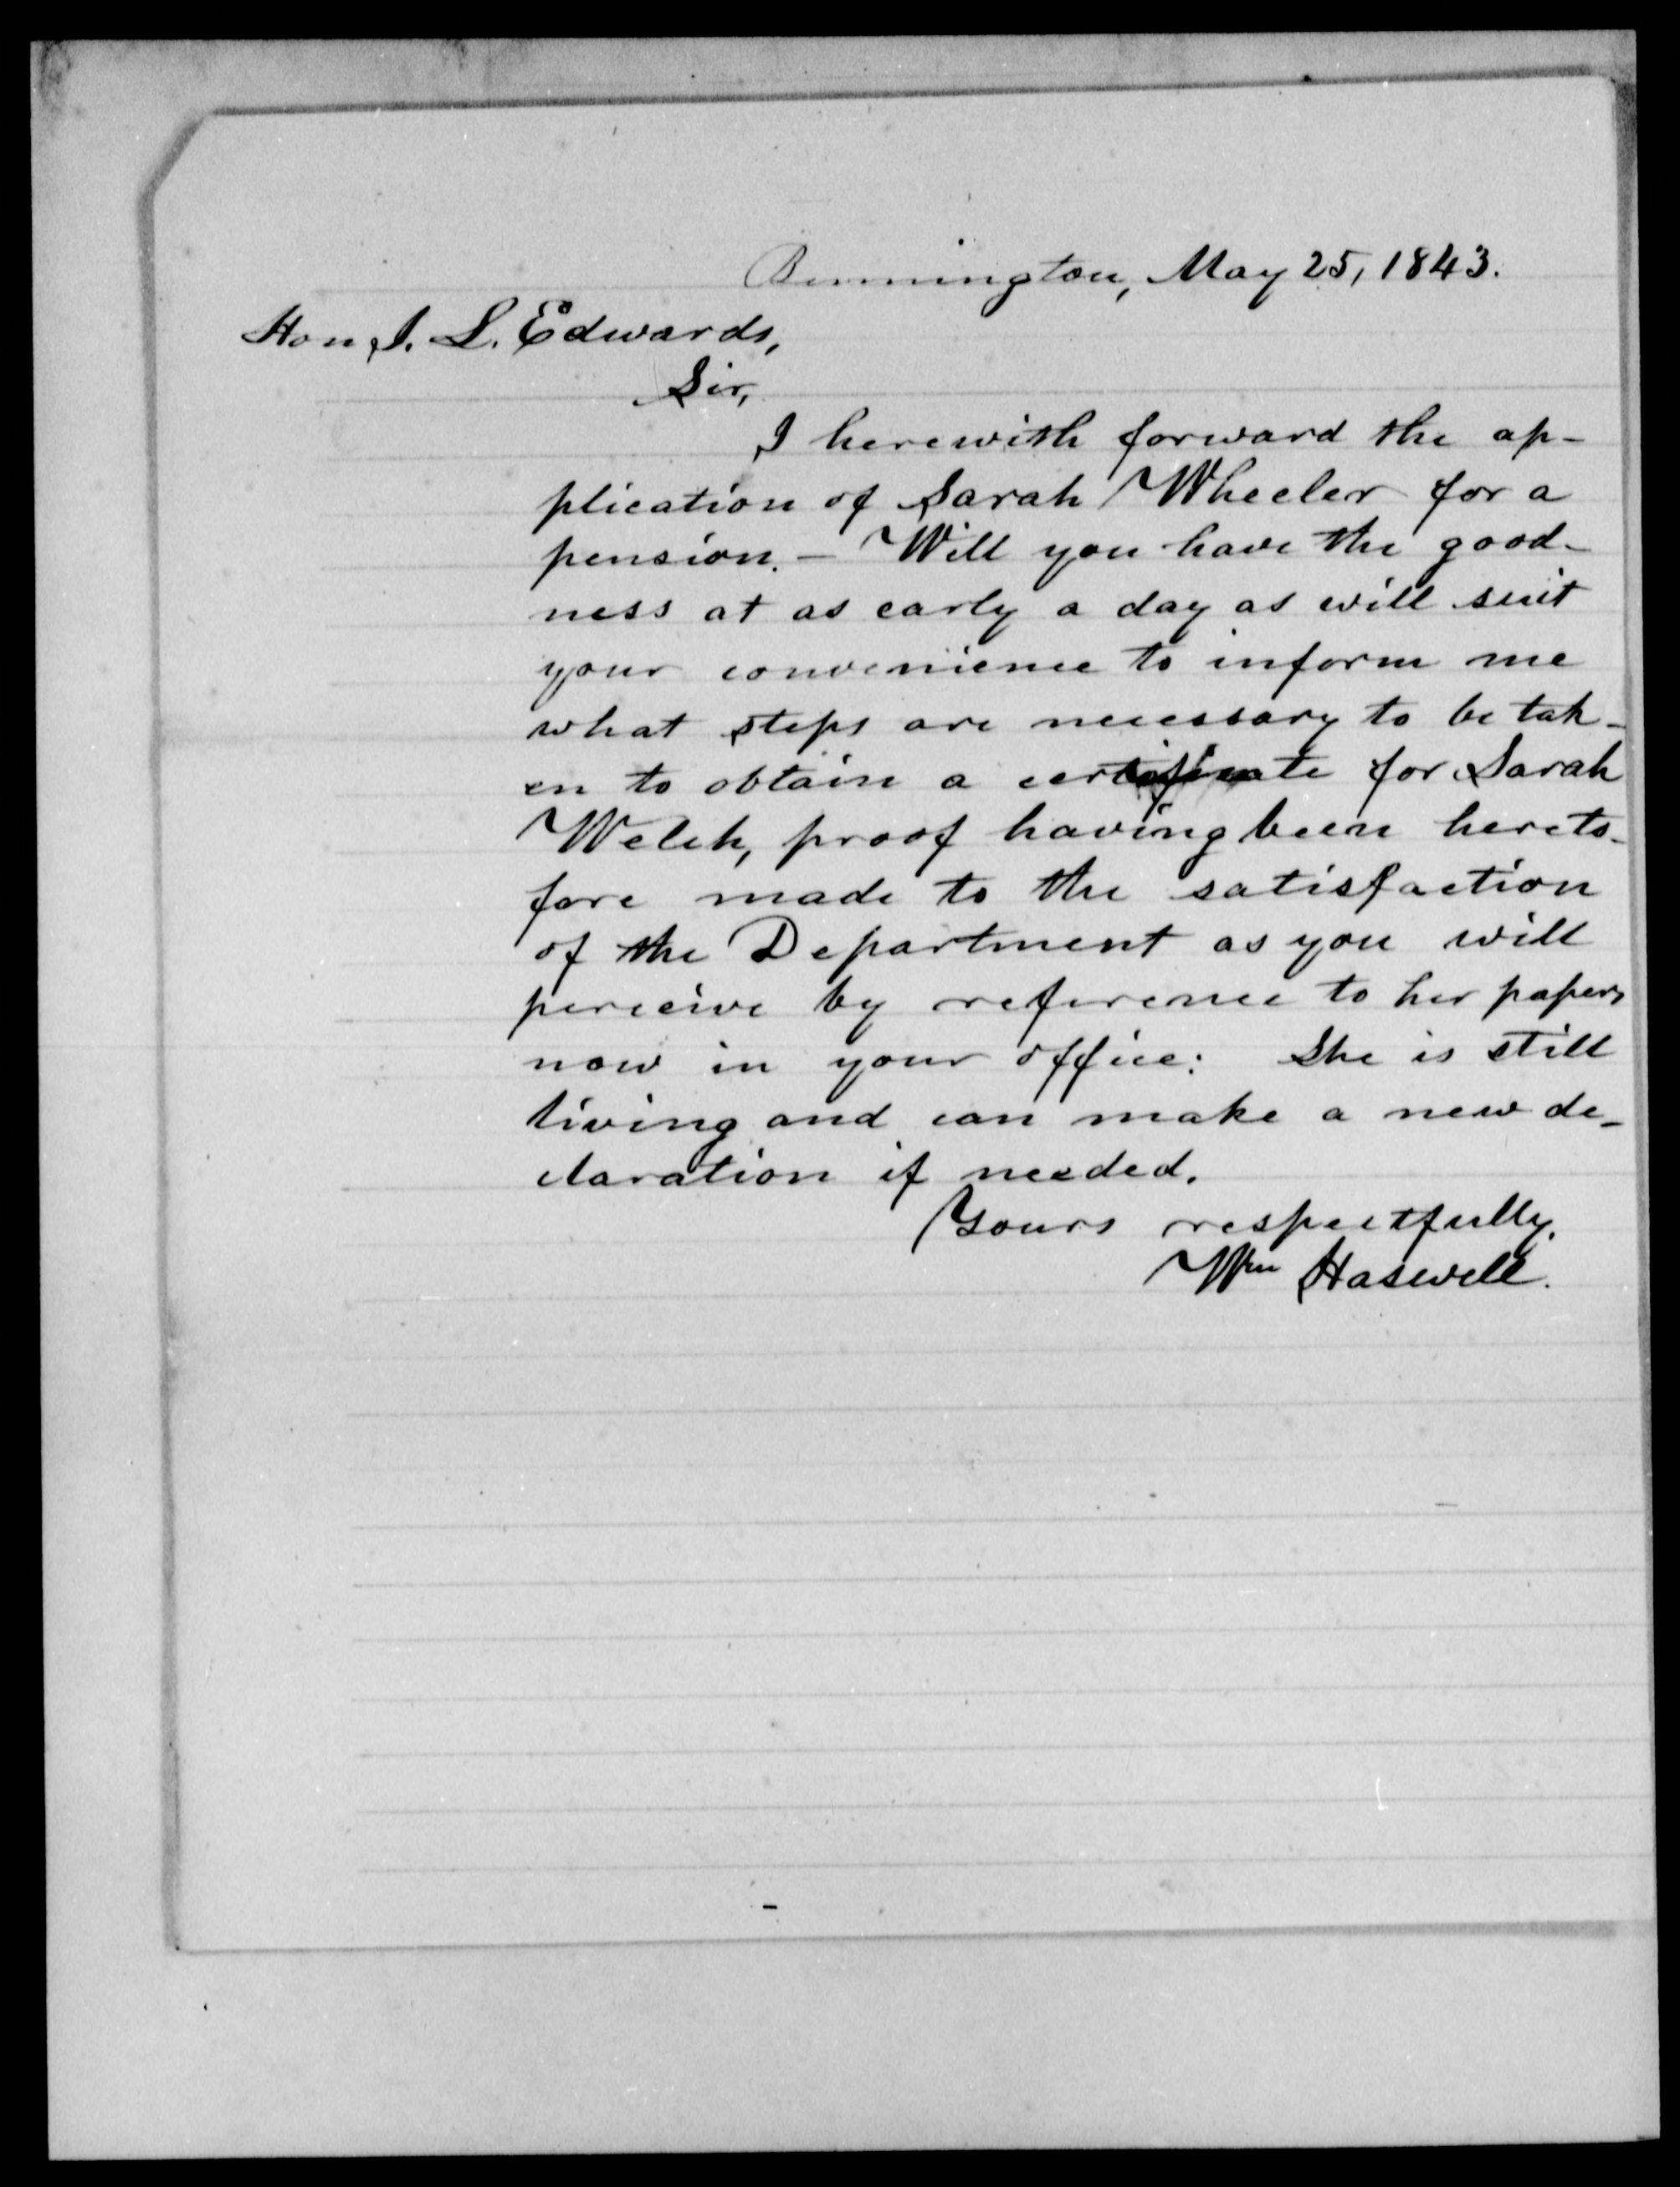Bennington, May 25, 1843.

Hon J. L. Edwards
Sir,
I herewith forward the application of Sarah Wheeler for a pension. Will you have the goodness at as early a day as will suit your convenience to inform me what steps are necessary to be taken to obtain a certificate for Sarah Welch, proof having been heretofore made to the satisfaction of the Department as you will perceive by reference to her papers now in your office. She is still living and can make a new declaration if needed.
Yours respectfully,
[signature] Wm Haswell.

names: Wm Haswell, J L Edwards, Sarah Wheeler, Sarah Welch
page: 24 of 29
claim: widow's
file: W. 22604, Prosper Wheeler, Conn.